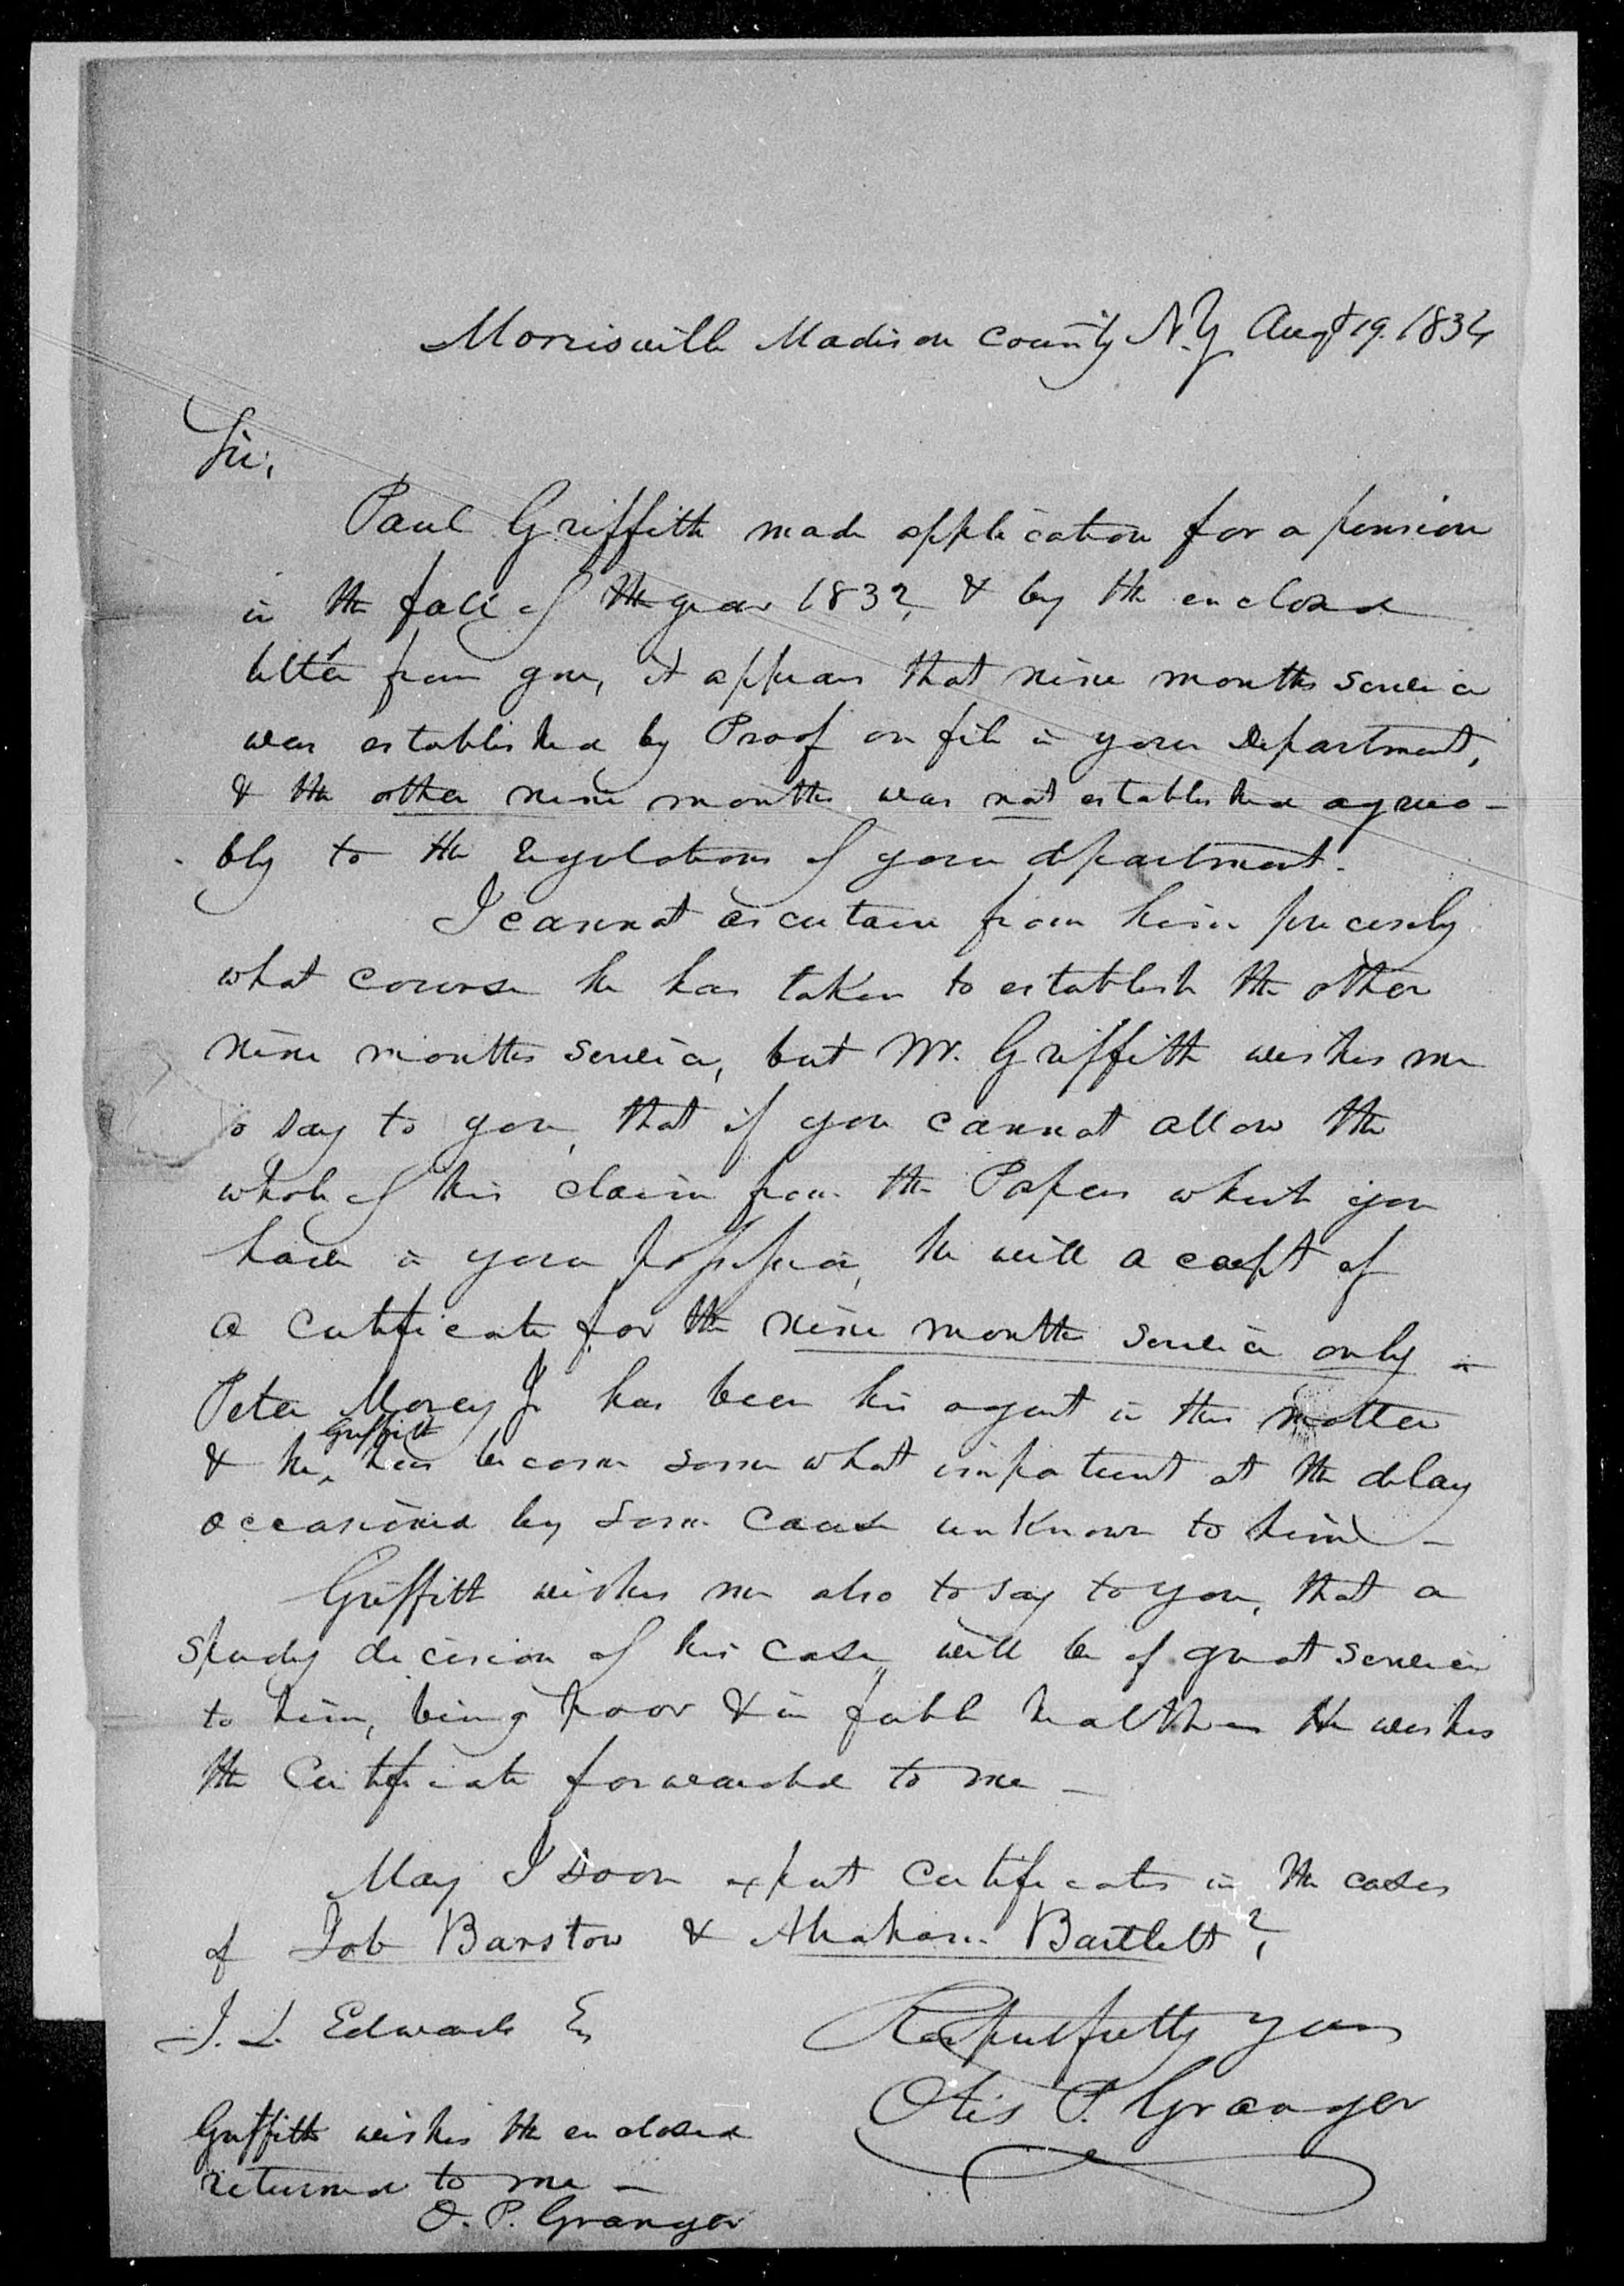Morrisville, Madison County, N.Y.
August 19, 1834

Sir,

Paul Griffith made application for a pension in the fall of the year 1832, & by the enclosed letter from you, it appears that nine months service was established by proof on file - your Department, & the other nine months was not established agreeably to the regulation of your Department.

I cannot ascertain from him [illegible] what course he has taken to establish the other nine months service, but Mr. Griffith wishes me to say to you that if you cannot allow the whole of his claim from the papers which you have in your possession, he will accept of a certificate for nine months service only - Peter Morey J has been his agent in the matter & he Griffith has become somewhat impatient at the delay occasioned by some cause unknown to him.

Griffith wishes me also to say to you that a speedy decision of his case will be of great service to him, being poor & in feeble health. He wished the certificate forwarded to me.

May I soon expect certificates in the cases of Job Barstow & Abraham Bartlett?

Respectfully yours,
Otis P. Granger

J.L Edwards

Griffith wishes the enclosed returned to me -
O.P. Granger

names: Griffith, Job Barstow, Otis P Granger, Griffith, Peter Morey, O P Granger, Griffith, J L Edwards, Abraham Bartlett, Griffith, Paul Griffith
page: 50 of 61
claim: survivor's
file: S. 22798, Paul Griffiths, R.I.